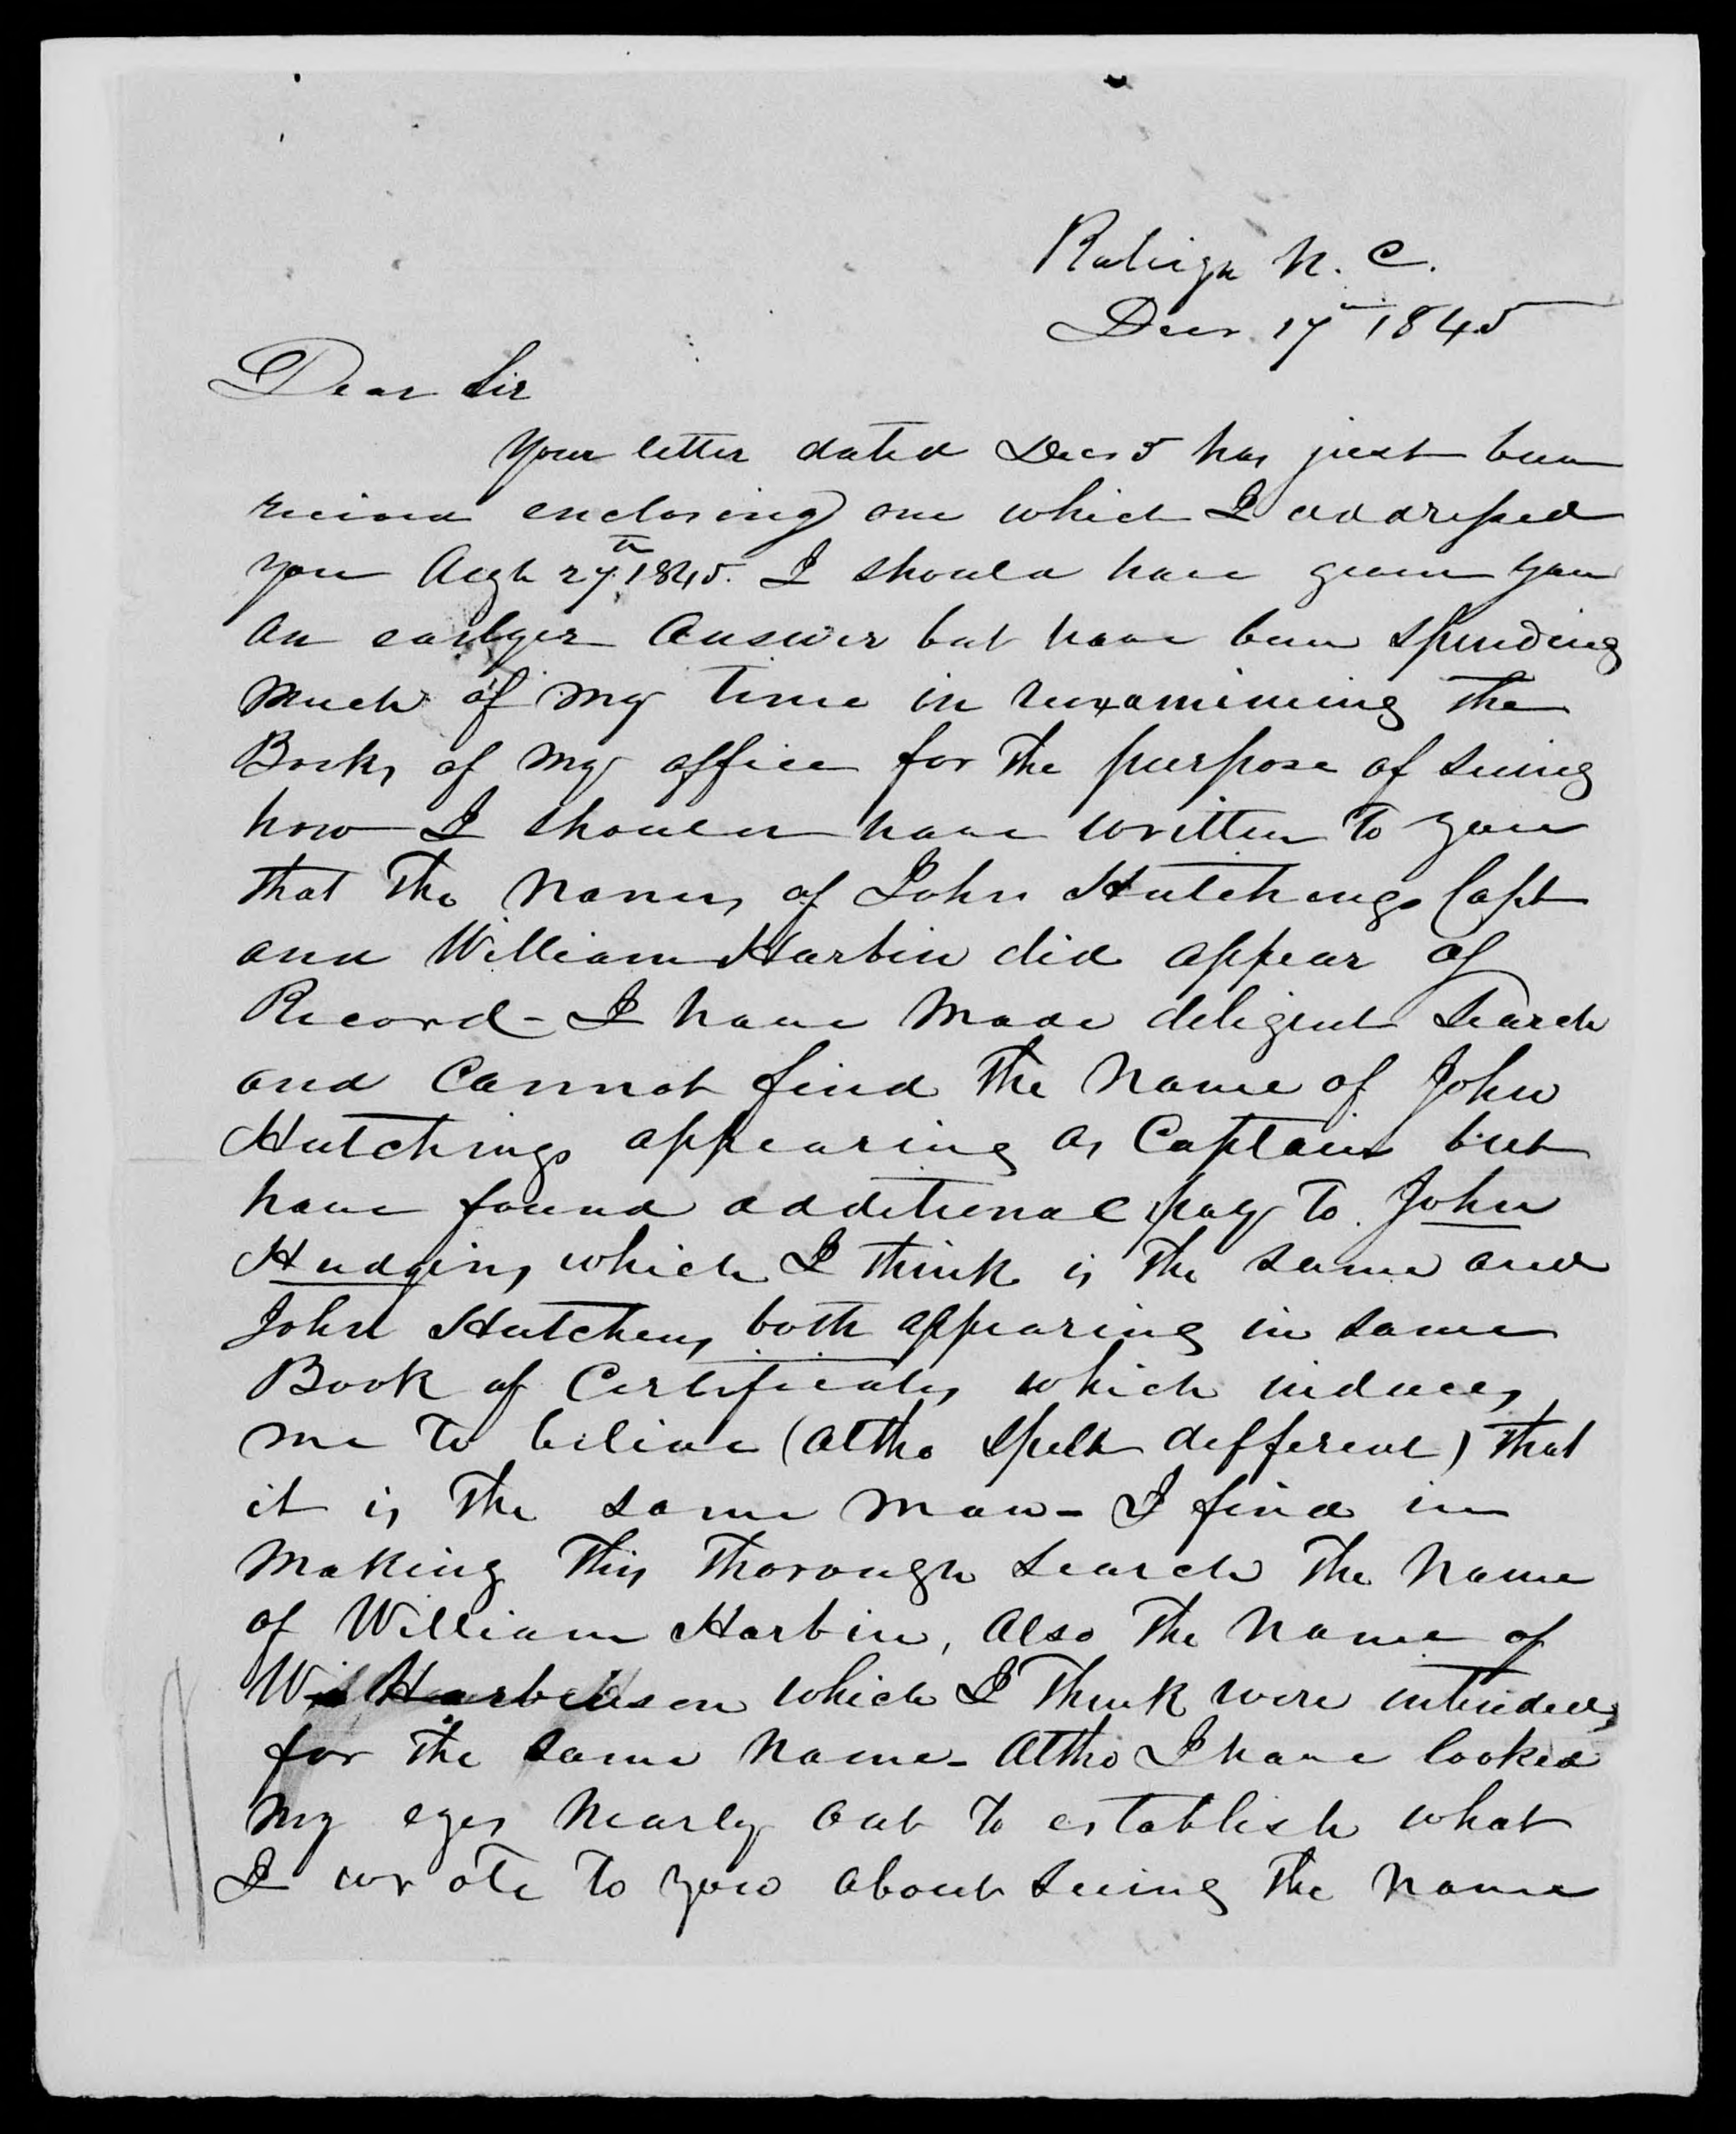Raleigh N.C
Dec 7, 1845

Dear Sir
Your letter dated Dec 5 has just been received enclosing one which I addressed you Aug 27th 1845. I should have given you an earlier answer but have been spending much of my time in re-examining the Books of my office for the purpose of seeing how I should have written to you that the names of John Hutchings Capt William Harbin did appear of record - I have made diligent search and cannot find the name of John Hutchings appearing as Captain but have found additional page John Hudgins (underlined) which I think is the same and John Hutchings both appearing in same Book of Certificates which reduces me to believe although spelled difference that it is the same man - I find in making this thorough search the name of William Harbin, also the name of WM Harbinson on which I think were (not legible) for the same name. Although I have looked my eyes nearly cal to establish what I wrote to you about seeing the name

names: John Hudgins, William Harbin, W Harbinson, John Hutchings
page: 104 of 108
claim: rejected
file: R. 7,515, John Hudgins, N.C.